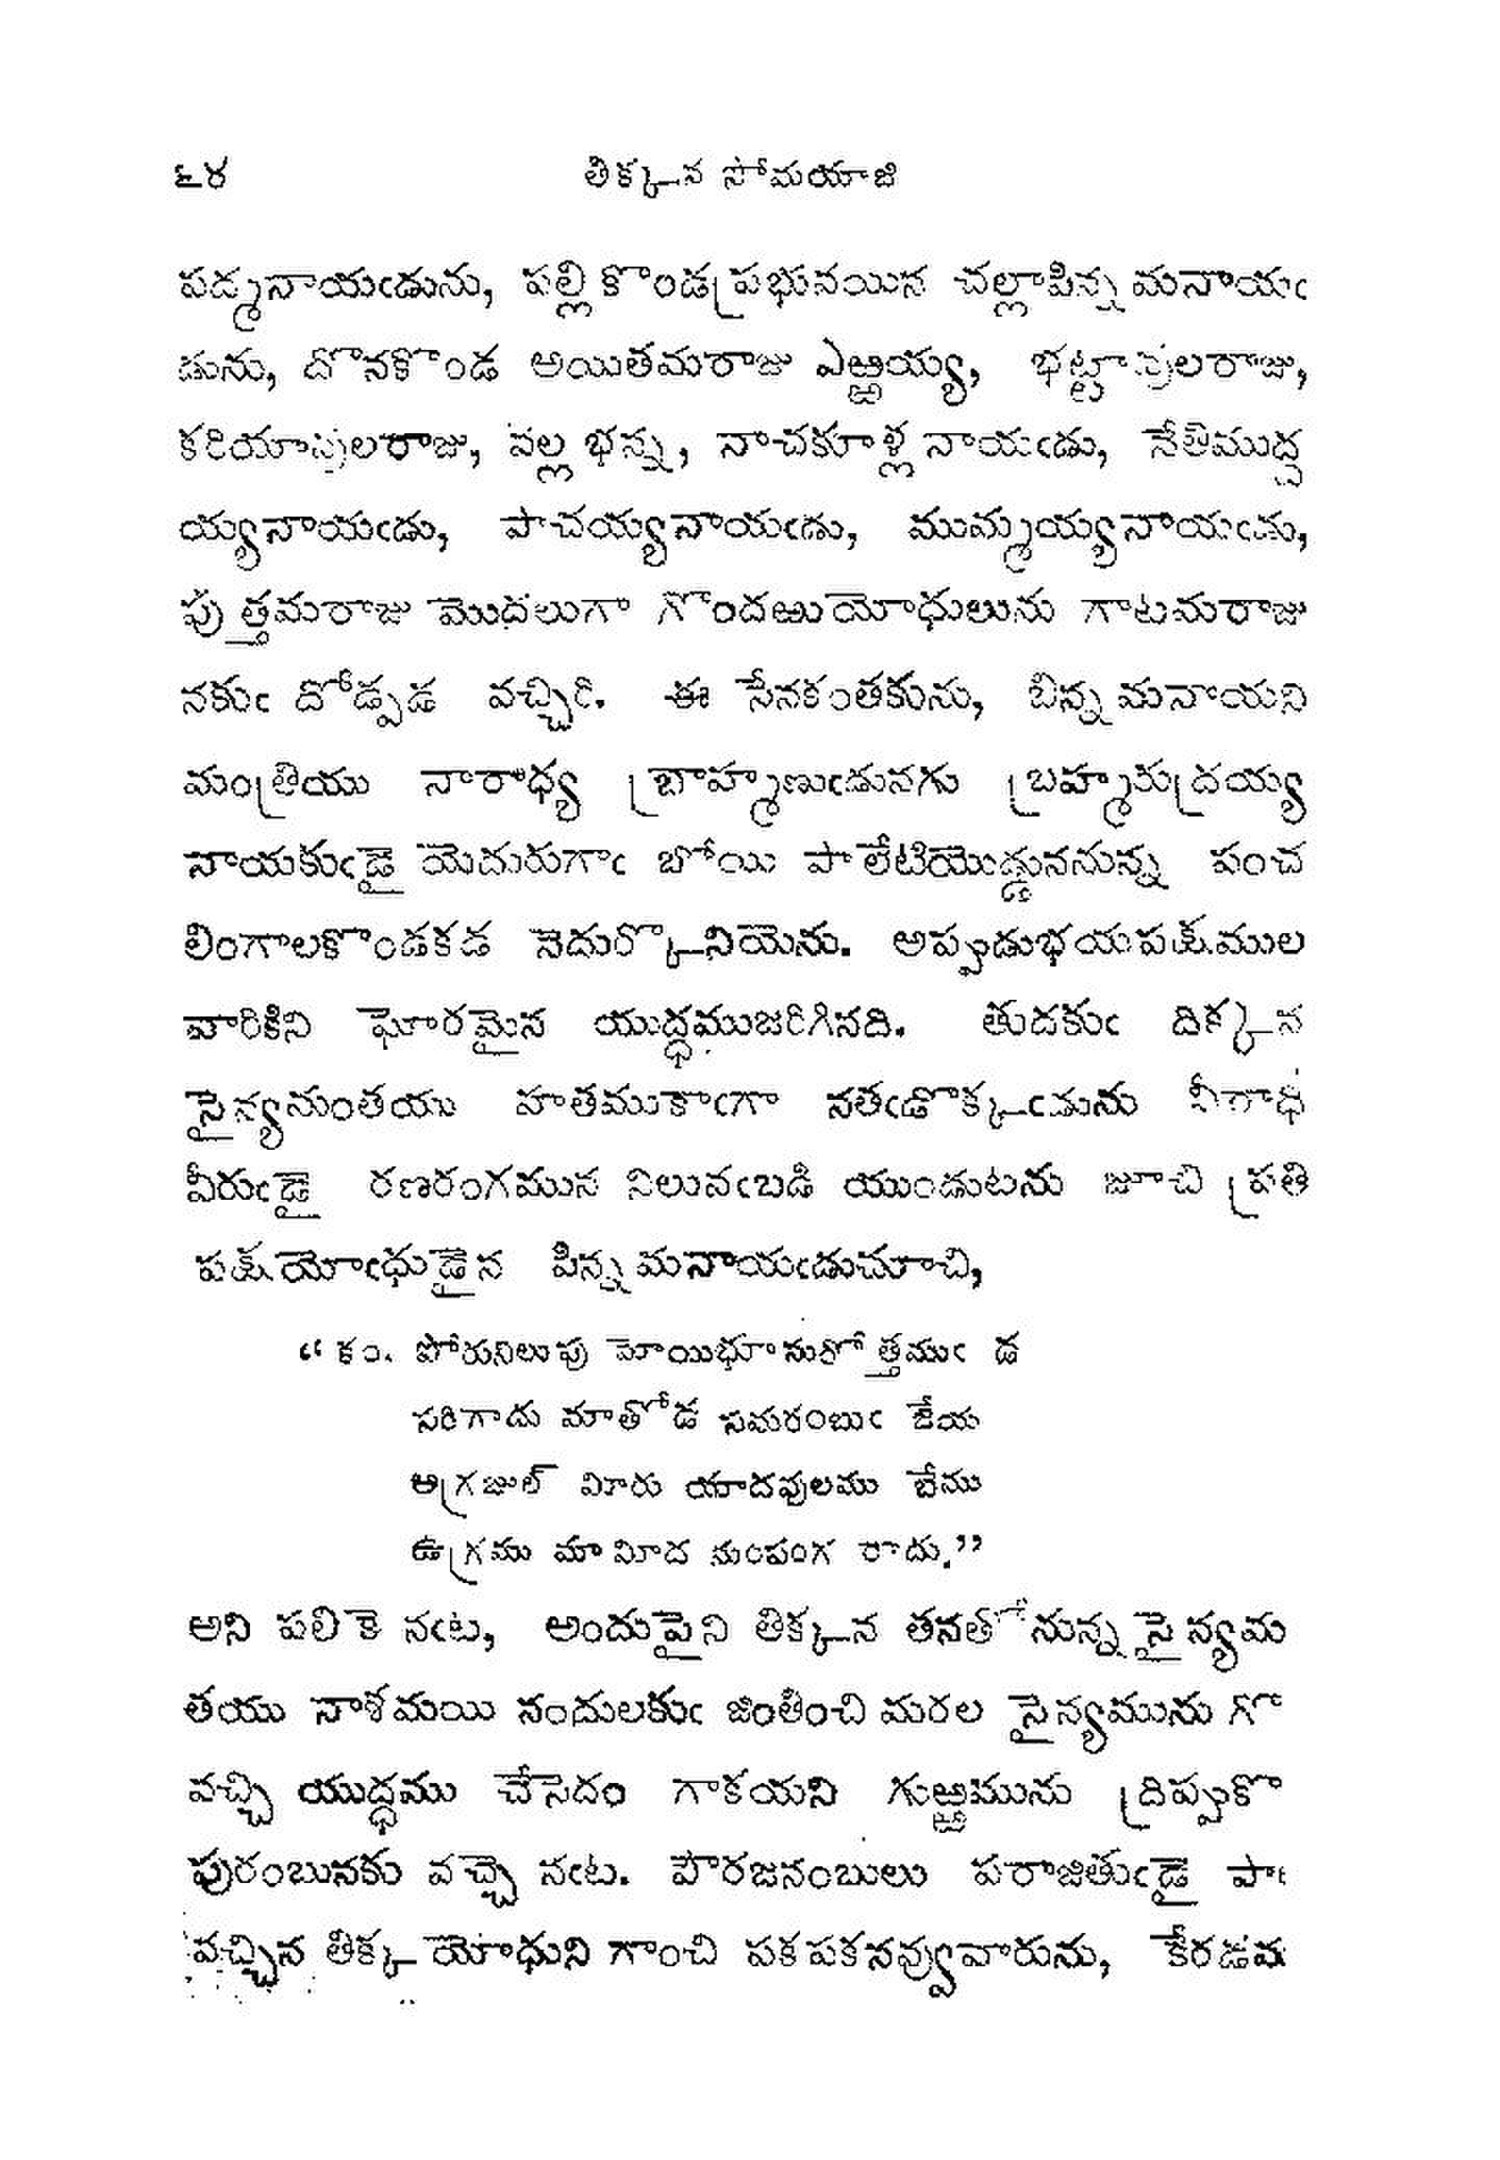పద్మనాయఁడును, పల్లికొండప్రభువయిన చల్లాపిన్నమనాయఁడును, దొనకొండ అయితమరాజు ఎఱ్ఱయ్య, భట్టావులరాజు, కరియావులరాజు, వల్లభన్న, నాచకూళ్లనాయఁడు, నేతిముద్దయ్యనాయఁడు, పాచయ్యనాయఁడు, ముమ్మయ్యనాయఁడు, పుత్తమరాజు మొదలుగా గొందఱుయోధులును గాటమరాజునకుఁ దోడ్పడ వచ్చిరి. ఈ సేనకంతకును, చిన్నమనాయని మంత్రియు నారాధ్య బ్రాహ్మణుఁడునగు బ్రహ్మరుద్రయ్య నాయకుఁడై యెదురుగాఁ బోయి పాలేటియొడ్డుననున్న పంచలింగాలకొండకడ నెదుర్కొనియెను. అప్పుడుభయపక్షముల వారికిని ఘోరమైన యుద్ధముజరిగినది. తుదకుఁ దిక్కన సైన్యమంతయు హతముకాఁగా నతఁడొక్కఁడును వీరాధి వీరుఁడై రణరంగమున నిలువఁబడి యుండుటను జూచి ప్రతిపక్షయోఁధుడైన పిన్నమనాయఁడుచూచి, 

"కం. పోరునిలుపు మోయిభూసురోత్తముఁ డ
 సరిగాదు మాతోడ సమరంబుఁ జేయ 
 అగ్రజుల్ మీరు యాదవులము బేము
 ఉగ్రము మామీద నుంపంగ రాదు." 
అని పలికె నఁట, అందుపైని తిక్కన తనతోనున్నసైన్యమంతయు నాశమయి నందులకుఁ జింతించి మరల సైన్యమును గొని వచ్చి యుద్ధము చేసెదం గాకయని గుఱ్ఱమును ద్రిప్పుకొని పురంబునకు వచ్చెనఁట. పౌరజనంబులు పరాజితుఁడై పారి వచ్చిన తిక్క యోధునిగాంచి పకపకనవ్వువారును, కేరడమ